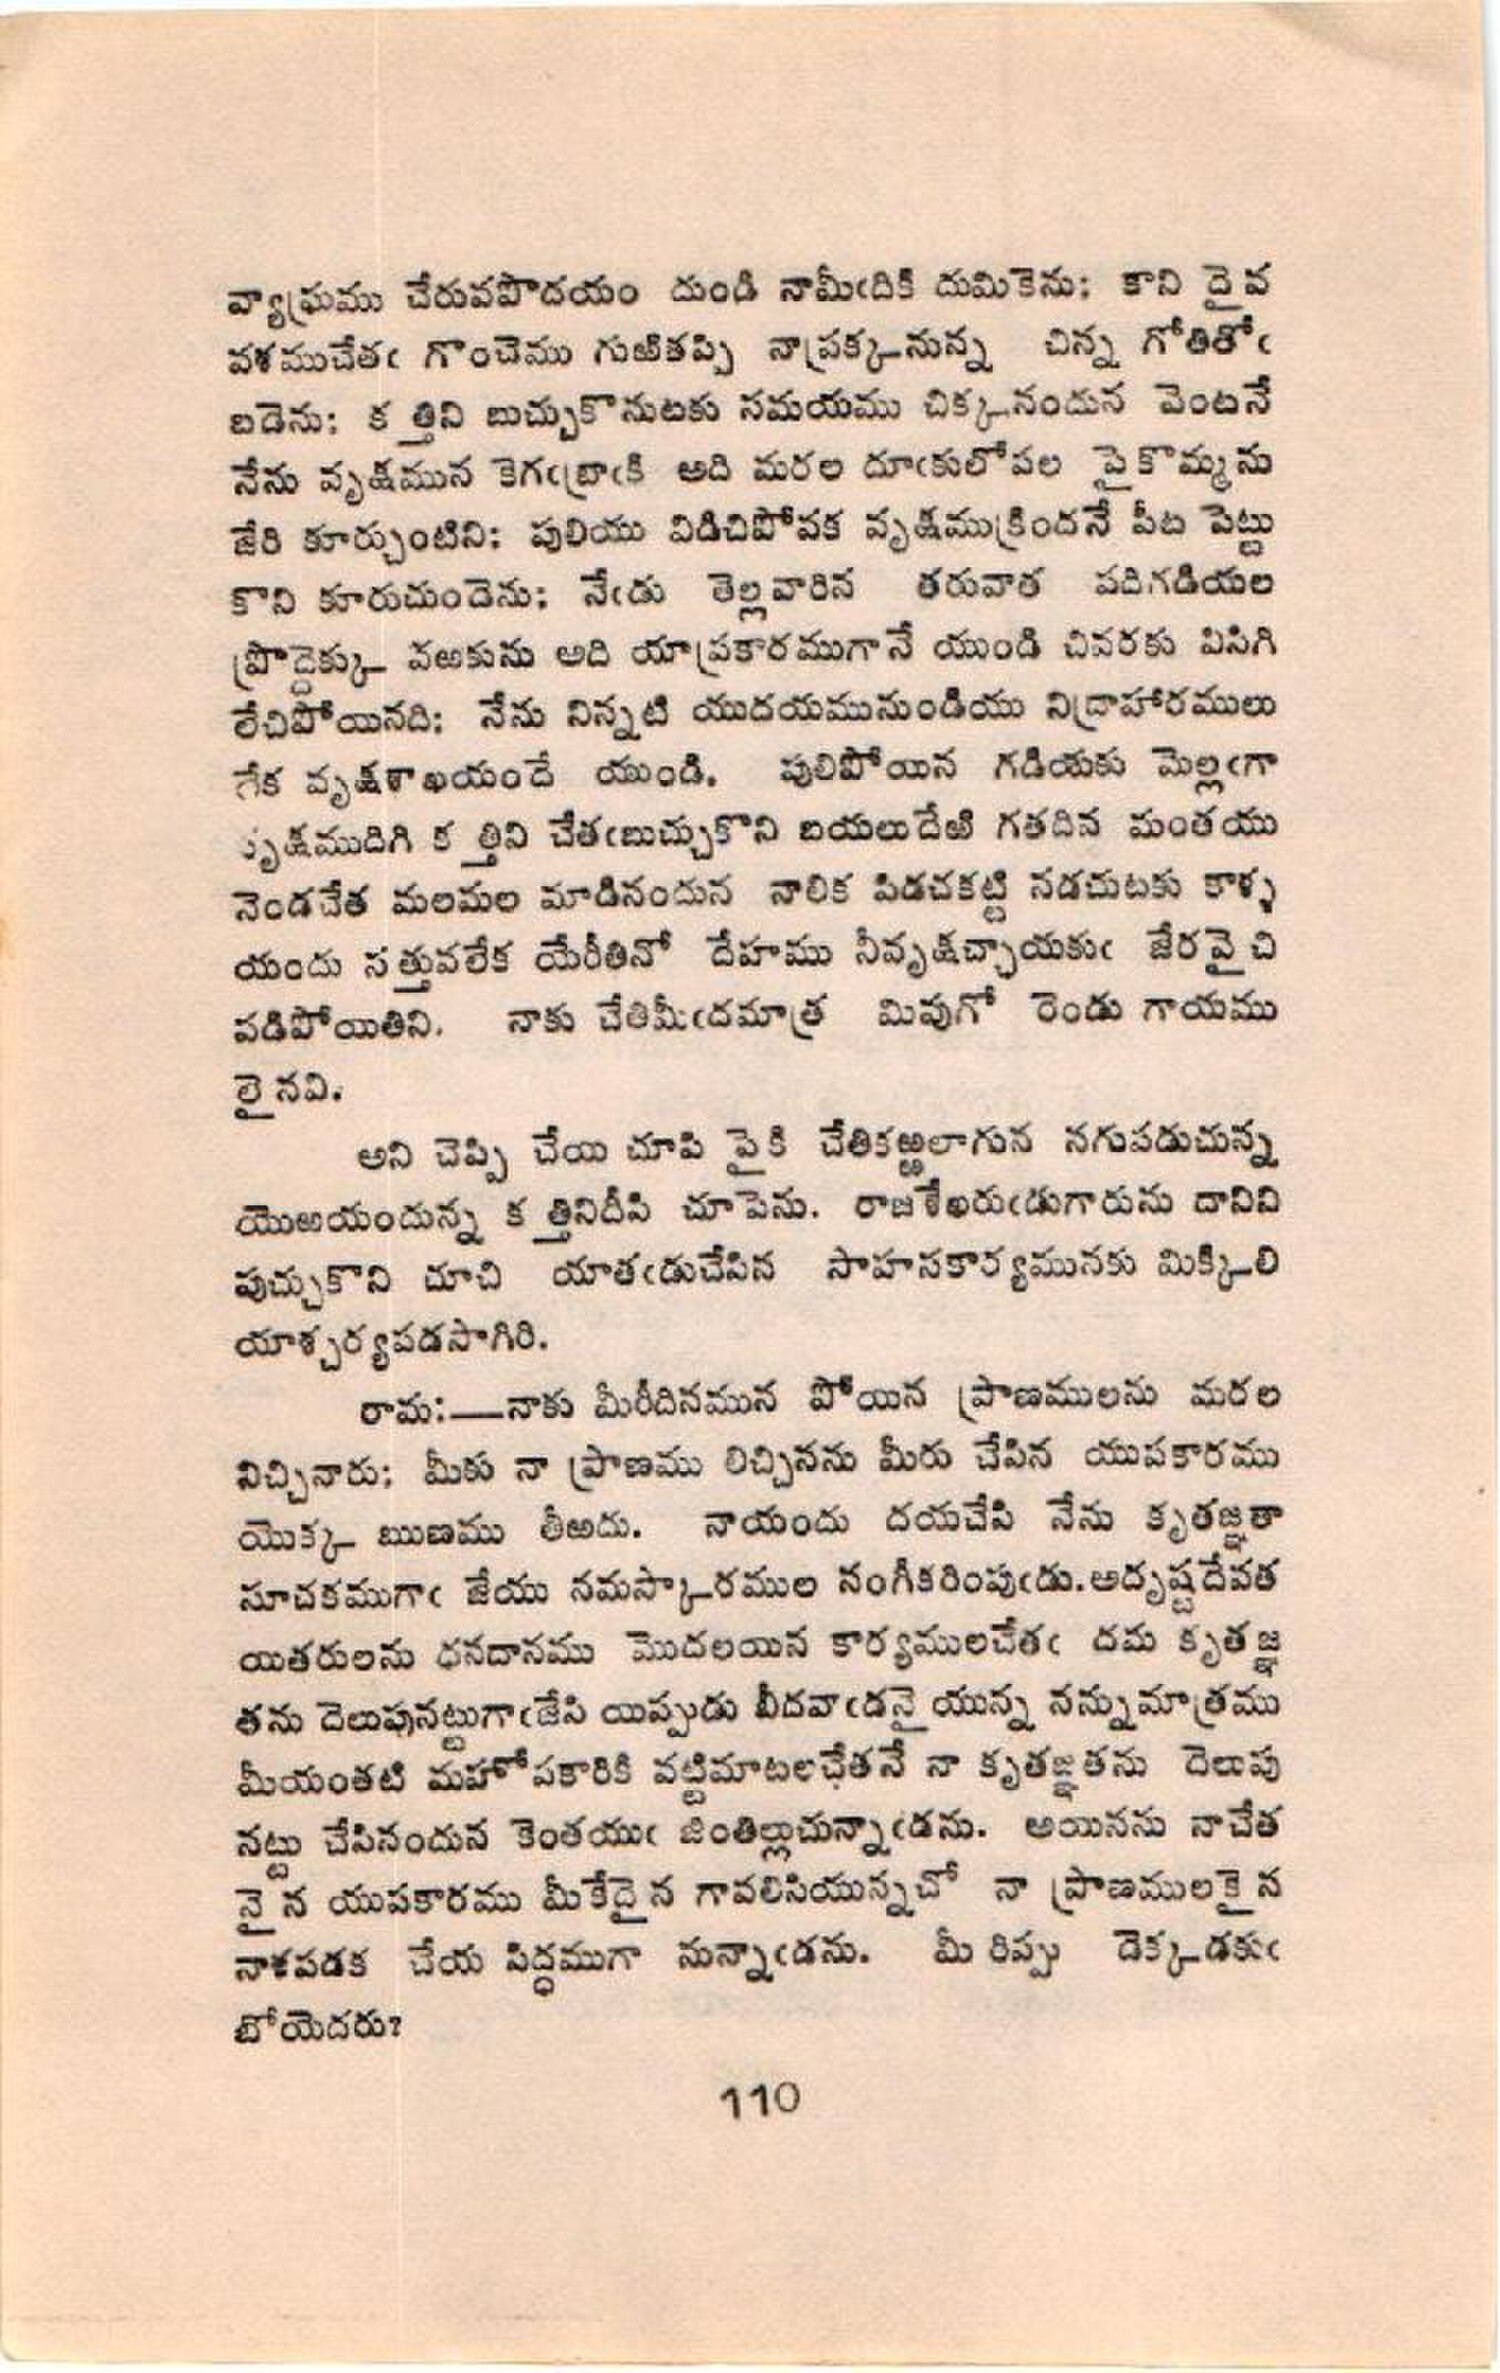వ్యాఘ్రము చేరువపొదయం దుండి నామీఁదికి దుమికెను: కాని దైవ వశముచేతఁ గొంచెము గుఱితప్పి నాప్రక్కనున్న చిన్న గోతిలో బడెను; కత్తిని బుచ్చుకొనుటకు సమయము చిక్కనందున వెంటనే నేను వృక్షమున కెగఁబ్రాఁకి అది మరల దూఁకులోపల పైకొమ్మను జేరి కూర్చుంటిని; పులియు విడిచిపోవక వృక్షము క్రిందనే పీట పెట్టు కొని కూరుచుండెను; నేఁడు తెల్లవారిన తరువాత పది గడియల ప్రొద్దెక్కు వఱకును అది యాప్రకారముగానే యుండి చివరకు విసిగి లేచిపోయినది; నేను నిన్నటి యుదయమునుండియు నిద్రాహారములు లేక వృక్షశాఖయందే యుండి, పులిపోయిన గడియకు మెల్లగా వృక్షముదిగి కత్తిని చేతఁబుచ్చుకొని బయలుదేఱి గతదినమంతయు నెండచేత మలమల మాడినందున నాలిక పిడచకట్టి నడచుటకు కాళ్ళ యందు సత్తువ లేక యేరీతినో దేహము నీవృక్షచ్చాయకుఁ జేరవైచి పడిపోయితిని. నాకు చేతిమీఁదమాత్ర మివుగో రెండు గాయము లైనవి.

అని చెప్పి చేయి చూపి పైకి చేతికఱ్ఱలాగున నగుపడుచున్న యొఱయందున్న కత్తినిదీసి చూపెను. రాజశేఖరుడుగారును దానిని పుచ్చుకొని చూచి యాతఁడుచేసిన సాహసకార్యమునకు మిక్కిలి యాశ్చర్యపడసాగిరి.

రామ:__నాకు మీరీదినమున పోయిన ప్రాణములను మరల నిచ్చినారు; మీకు నా ప్రాణము లిచ్చినను మీరు చేసిన యుపకారము యొక్క ఋణము తీఱదు. నాయందు దయచేసి నేను కృతజ్ఞతా సూచకముగా జేయు నమస్కారముల నంగీకరింపుడు. అదృష్టదేవత యితరులను ధనదానము మొదలయిన కార్యములచేతఁ దమ కృతజ్ఞతను దెలుపునట్టుగాఁజేసి యిప్పుడు బీదవాఁడనైయున్న నన్నుమాత్రము మీయంతటి మహోపకారికి వట్టిమాటలచేతనే నా కృతజ్ఞతను దెలుపు నట్టు చేసినందున కెంతయుఁ జింతిల్లుచున్నాఁడను. అయినను నాచేత నైన యుపకారము మీకేదైన గావలిసియున్నచో నా ప్రాణములకైన నాశపడక చేయ సిద్ధముగా నున్నాఁడను, మీ రిప్పు డెక్కడకు బోయెదరు?